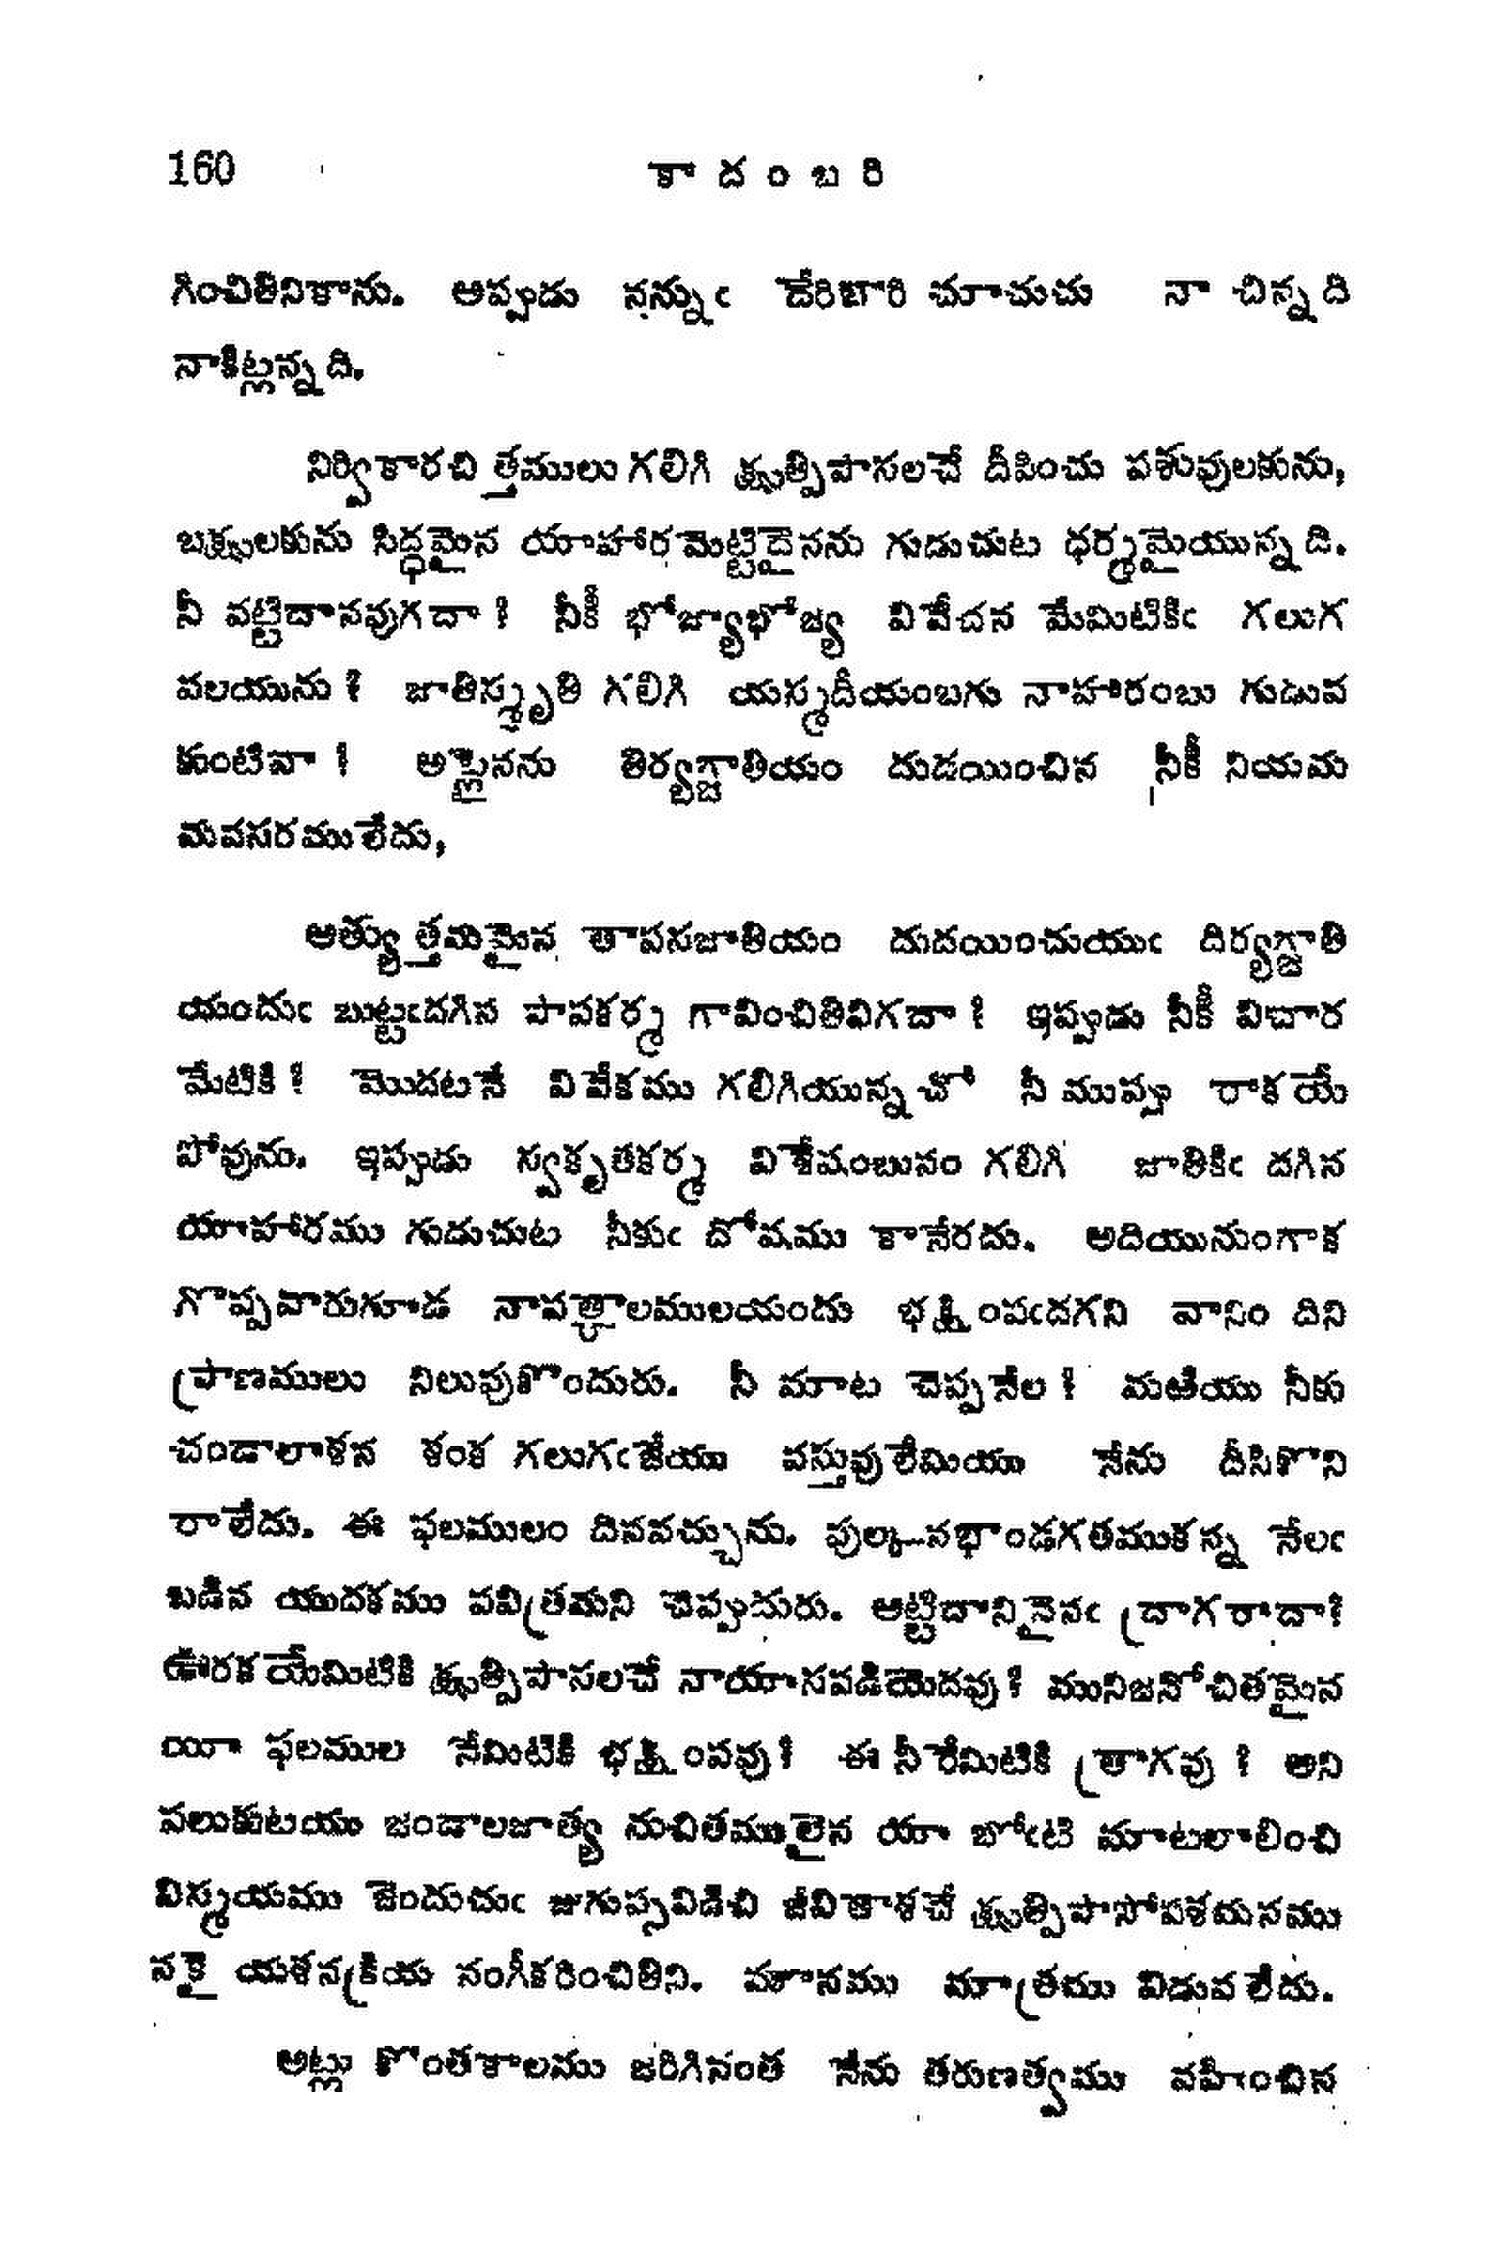గించితినికాను. అప్పుడు నన్నుఁ దేరిబారి చూచుచు నా చిన్నది నాకిట్లన్నది.

నిర్వికారచిత్తములుగలిగి క్షుత్పిపాసలచే దీపించు పశువులకును, బక్షులకును, సిద్ధమైన యాహారమెట్టిదైనను గుడుచుట ధర్మమైయున్నది. నీ వట్టిదానవుగదా? నీకీ భోజ్యాభోజ్య వివేచన మేమిటికిఁ గలుగ వలయును? జాతిస్మృతి గలిగి యస్మదీయంబగు నాహారంబు గుడువ కుంటివా? అట్లైనను తిర్యగ్జాతియం దుదయించిన నీకీ నియమ మవసరములేదు,

అత్యుత్తమమైన తాపసజాతియం దుదయించుయుఁ దిర్యగ్జాతియందుఁ బుట్టఁదగిన పాపకర్మ గావించితివిగదా? ఇప్పుడు నీకీ విచార మేటికి? మొదటనే వివేకము గలిగియున్నచో నీ ముప్పు రాకయే పోవును. ఇప్పుడు స్వకృతకర్మ విశేషంబునం గలిగి జాతికిఁ దగిన యాహారము గుడుచుట నీకుఁ దోషము కానేరదు. అదియునుంగాక గొప్పవారుగూడ నాపత్కాలములయందు భక్షింపఁదగని వానిం దిని ప్రాణములు నిలుపుకొందురు. నీ మాట చెప్పనేల? మఱియు నీకు చండాలాశన శంక గలుగఁజేయు వస్తువులేమియు నేను దీసికొని రాలేదు. ఈ ఫలములం దినవచ్చును. వుల్కనభాండగతముకన్న నేలఁబడిన యుదకము పవిత్రమని చెప్పుదురు. అట్టిదానినైనఁ ద్రాగరాదా? ఊరకయేమిటికి క్షుత్పిపాసలచే నాయాసపడియెదవు? మునిజనోచితమైన యీ ఫలముల నేమిటికి భక్షింపవు? ఈ నీ రేమిటికి త్రాగవు? అని పలుకుటయు జండాలజాత్య నుచితములైన యా బోఁటి మాటలాలించి విస్మయము జెందుచుఁ జుగుప్సవిడిచి జీవితాశచే క్షుత్పిపాసోపశమనమునకై యశనక్రియ నంగీకరించితిని. మౌనము మాత్రము విడువలేదు.

అట్లు కొంతకాలము జరిగినంత నేను తరుణత్వము వహించిన